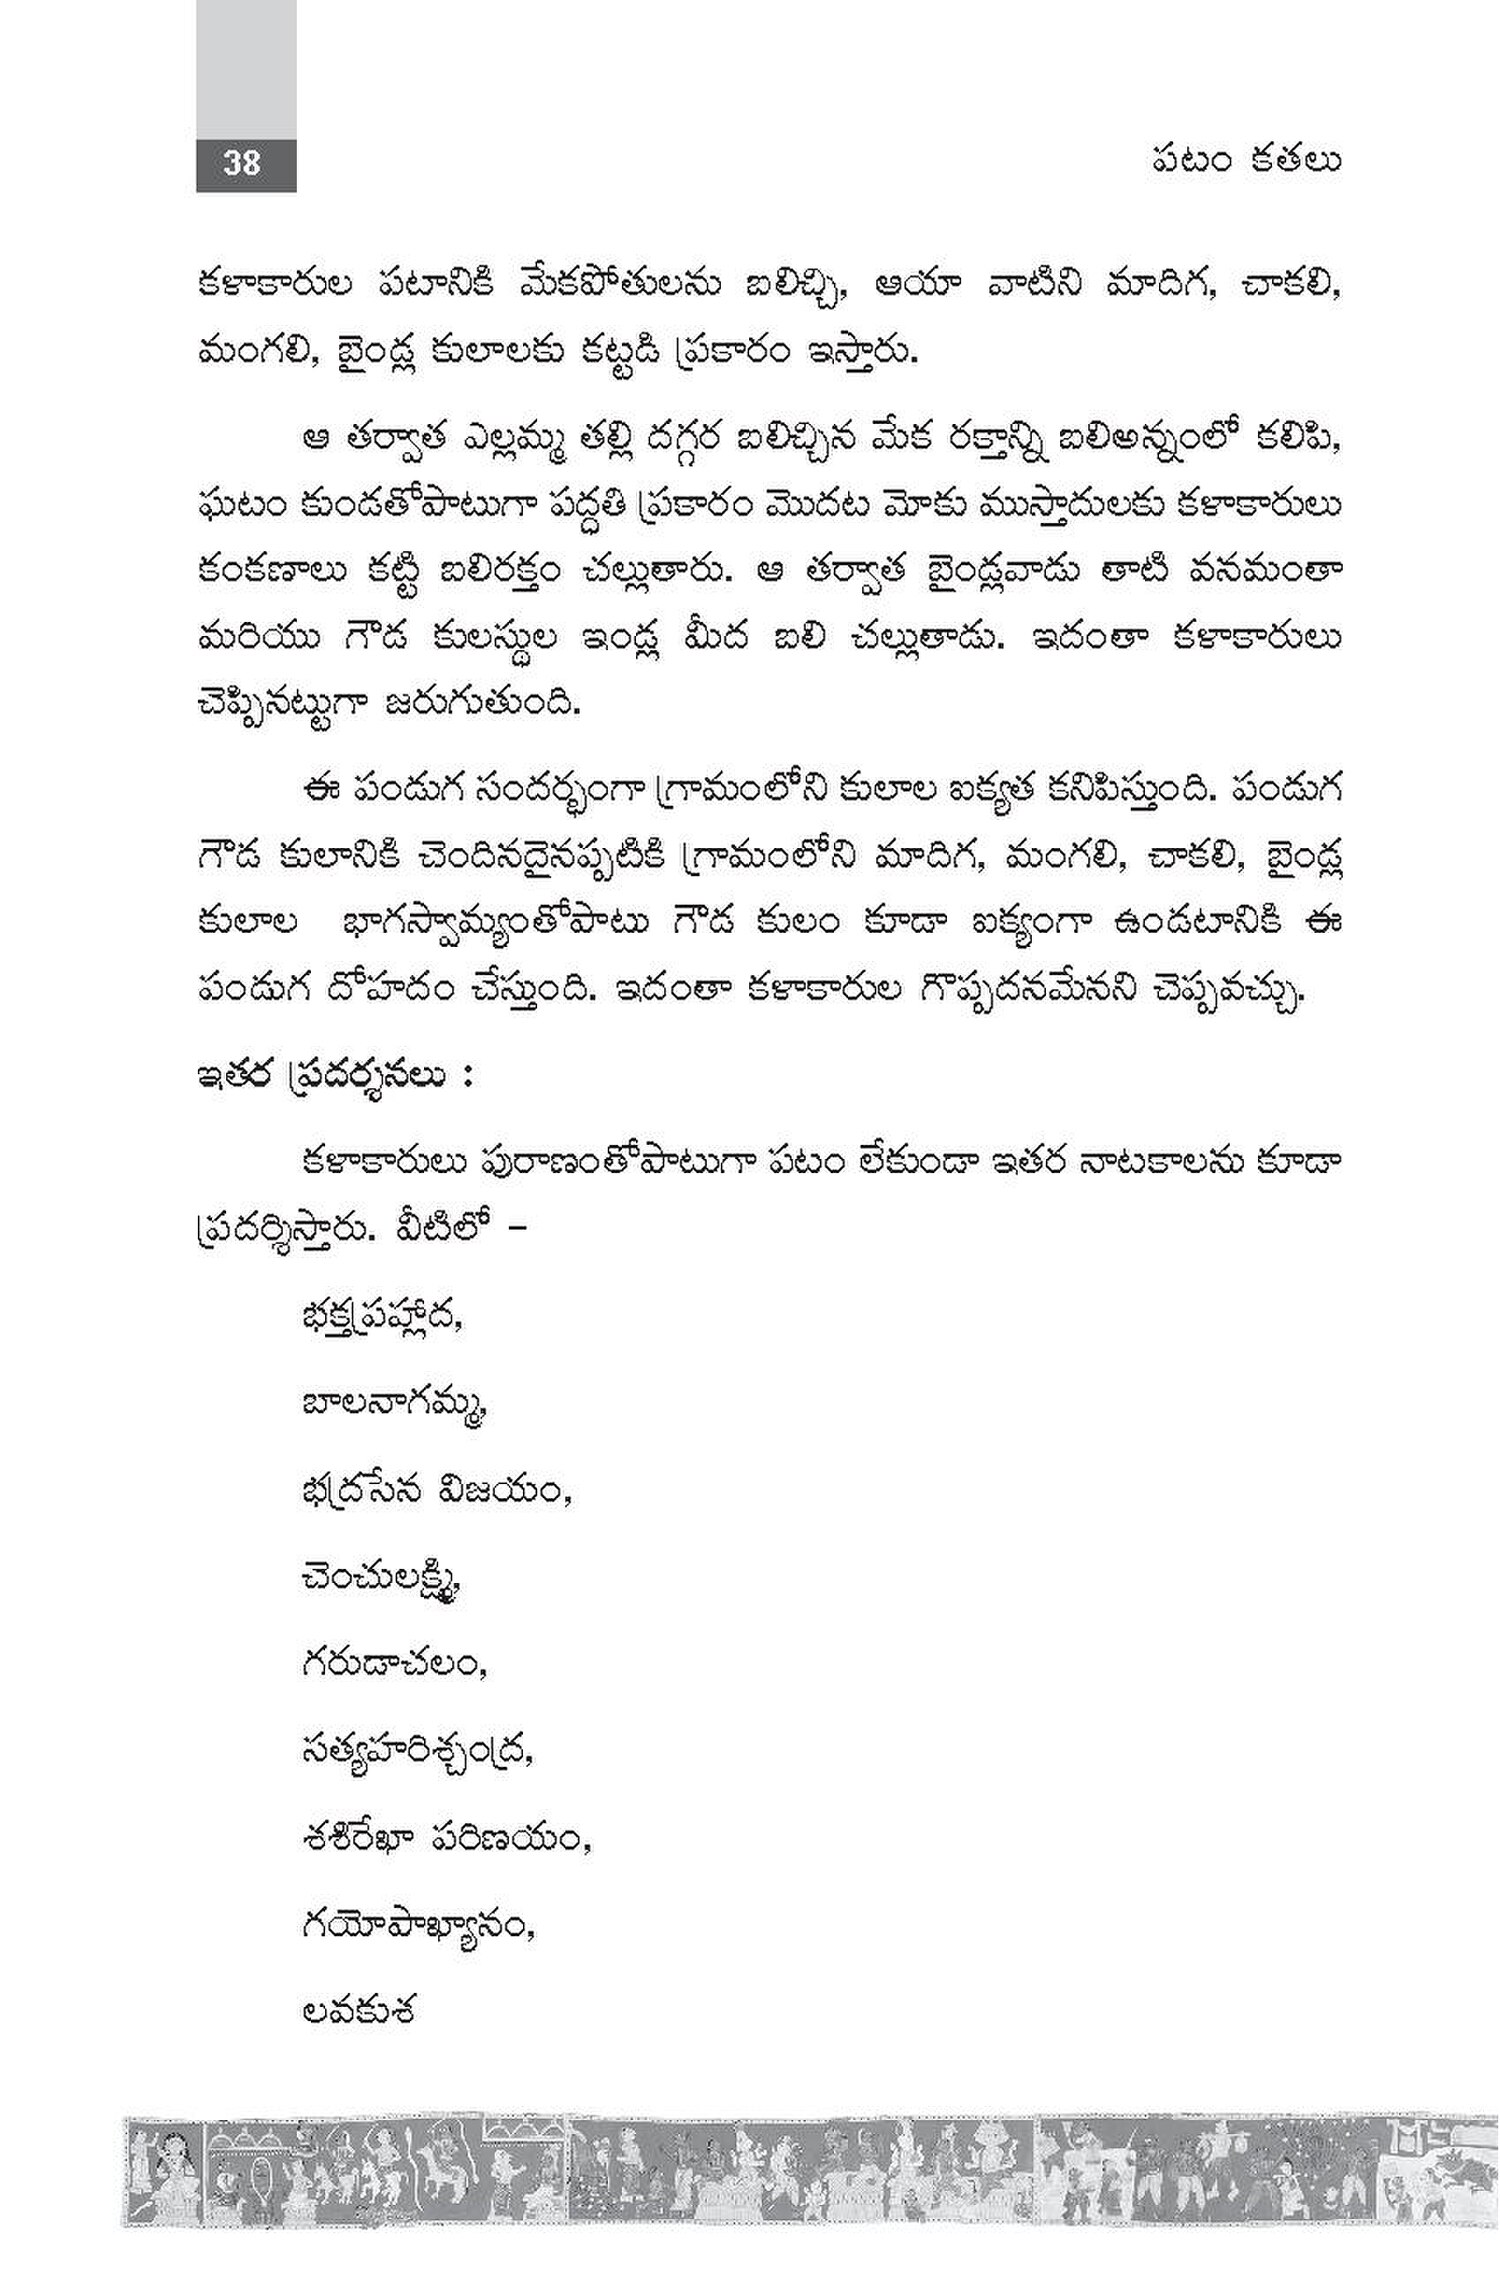కళాకారుల పటానికి మేకపోతులను బలిచ్చి, ఆయా వాటిని మాదిగ, చాకలి, మంగలి, బైండ్ల కులాలకు కట్టడి ప్రకారం ఇస్తారు.

ఆ తర్వాత ఎల్లమ్మ తల్లి దగ్గర బలిచ్చిన మేక రక్తాన్ని బలిఅన్నంలో కలిపి, ఘటం కుండతోపాటుగా పద్దతి ప్రకారం మొదట మోకు ముస్తాదులకు కళాకారులు కంకణాలు కట్టి బలిరక్తం చల్లుతారు. ఆ తర్వాత బైండ్లవాడు తాటి వనమంతా
మరియు గౌడ కులస్థుల ఇండ్ల మీద ఐలి చల్లుతాడు. ఇదంతా కళాకారులు చెప్పినట్టుగా జరుగుతుంది.

ఈ పండుగ సందర్భంగా గ్రామంలోని కులాల ఐక్యత కనిపిస్తుంది. పండుగ గౌడ కులానికి చెందినదైనప్పటికి గ్రామంలోని మాదిగ, మంగలి, చాకలి, బైండ్ల కులాల భాగస్వామ్యంతోపాటు గౌడ కులం కూడా ఐక్యంగా ఉండటానికి ఈ పండుగ దోహదం చేస్తుంది. ఇదంతా కళాకారుల గొప్పదనమేనని చెప్పవచ్చు.

ఇతర ప్రదర్శనలు :

కళాకారులు పురాణంతోపాటుగా పటం లేకుండా ఇతర నాటకాలను కూడా ప్రదర్శిస్తారు. వీటిలో -

భక్త ప్రహ్లాద
బాలనాగమ్మ,
భద్రసేన విజయం,
చెంచులక్ష్మి.
గరుడాచలం,
శశిరేఖా పరిణయం,
గయోపాఖ్యానం,
లవకుశ